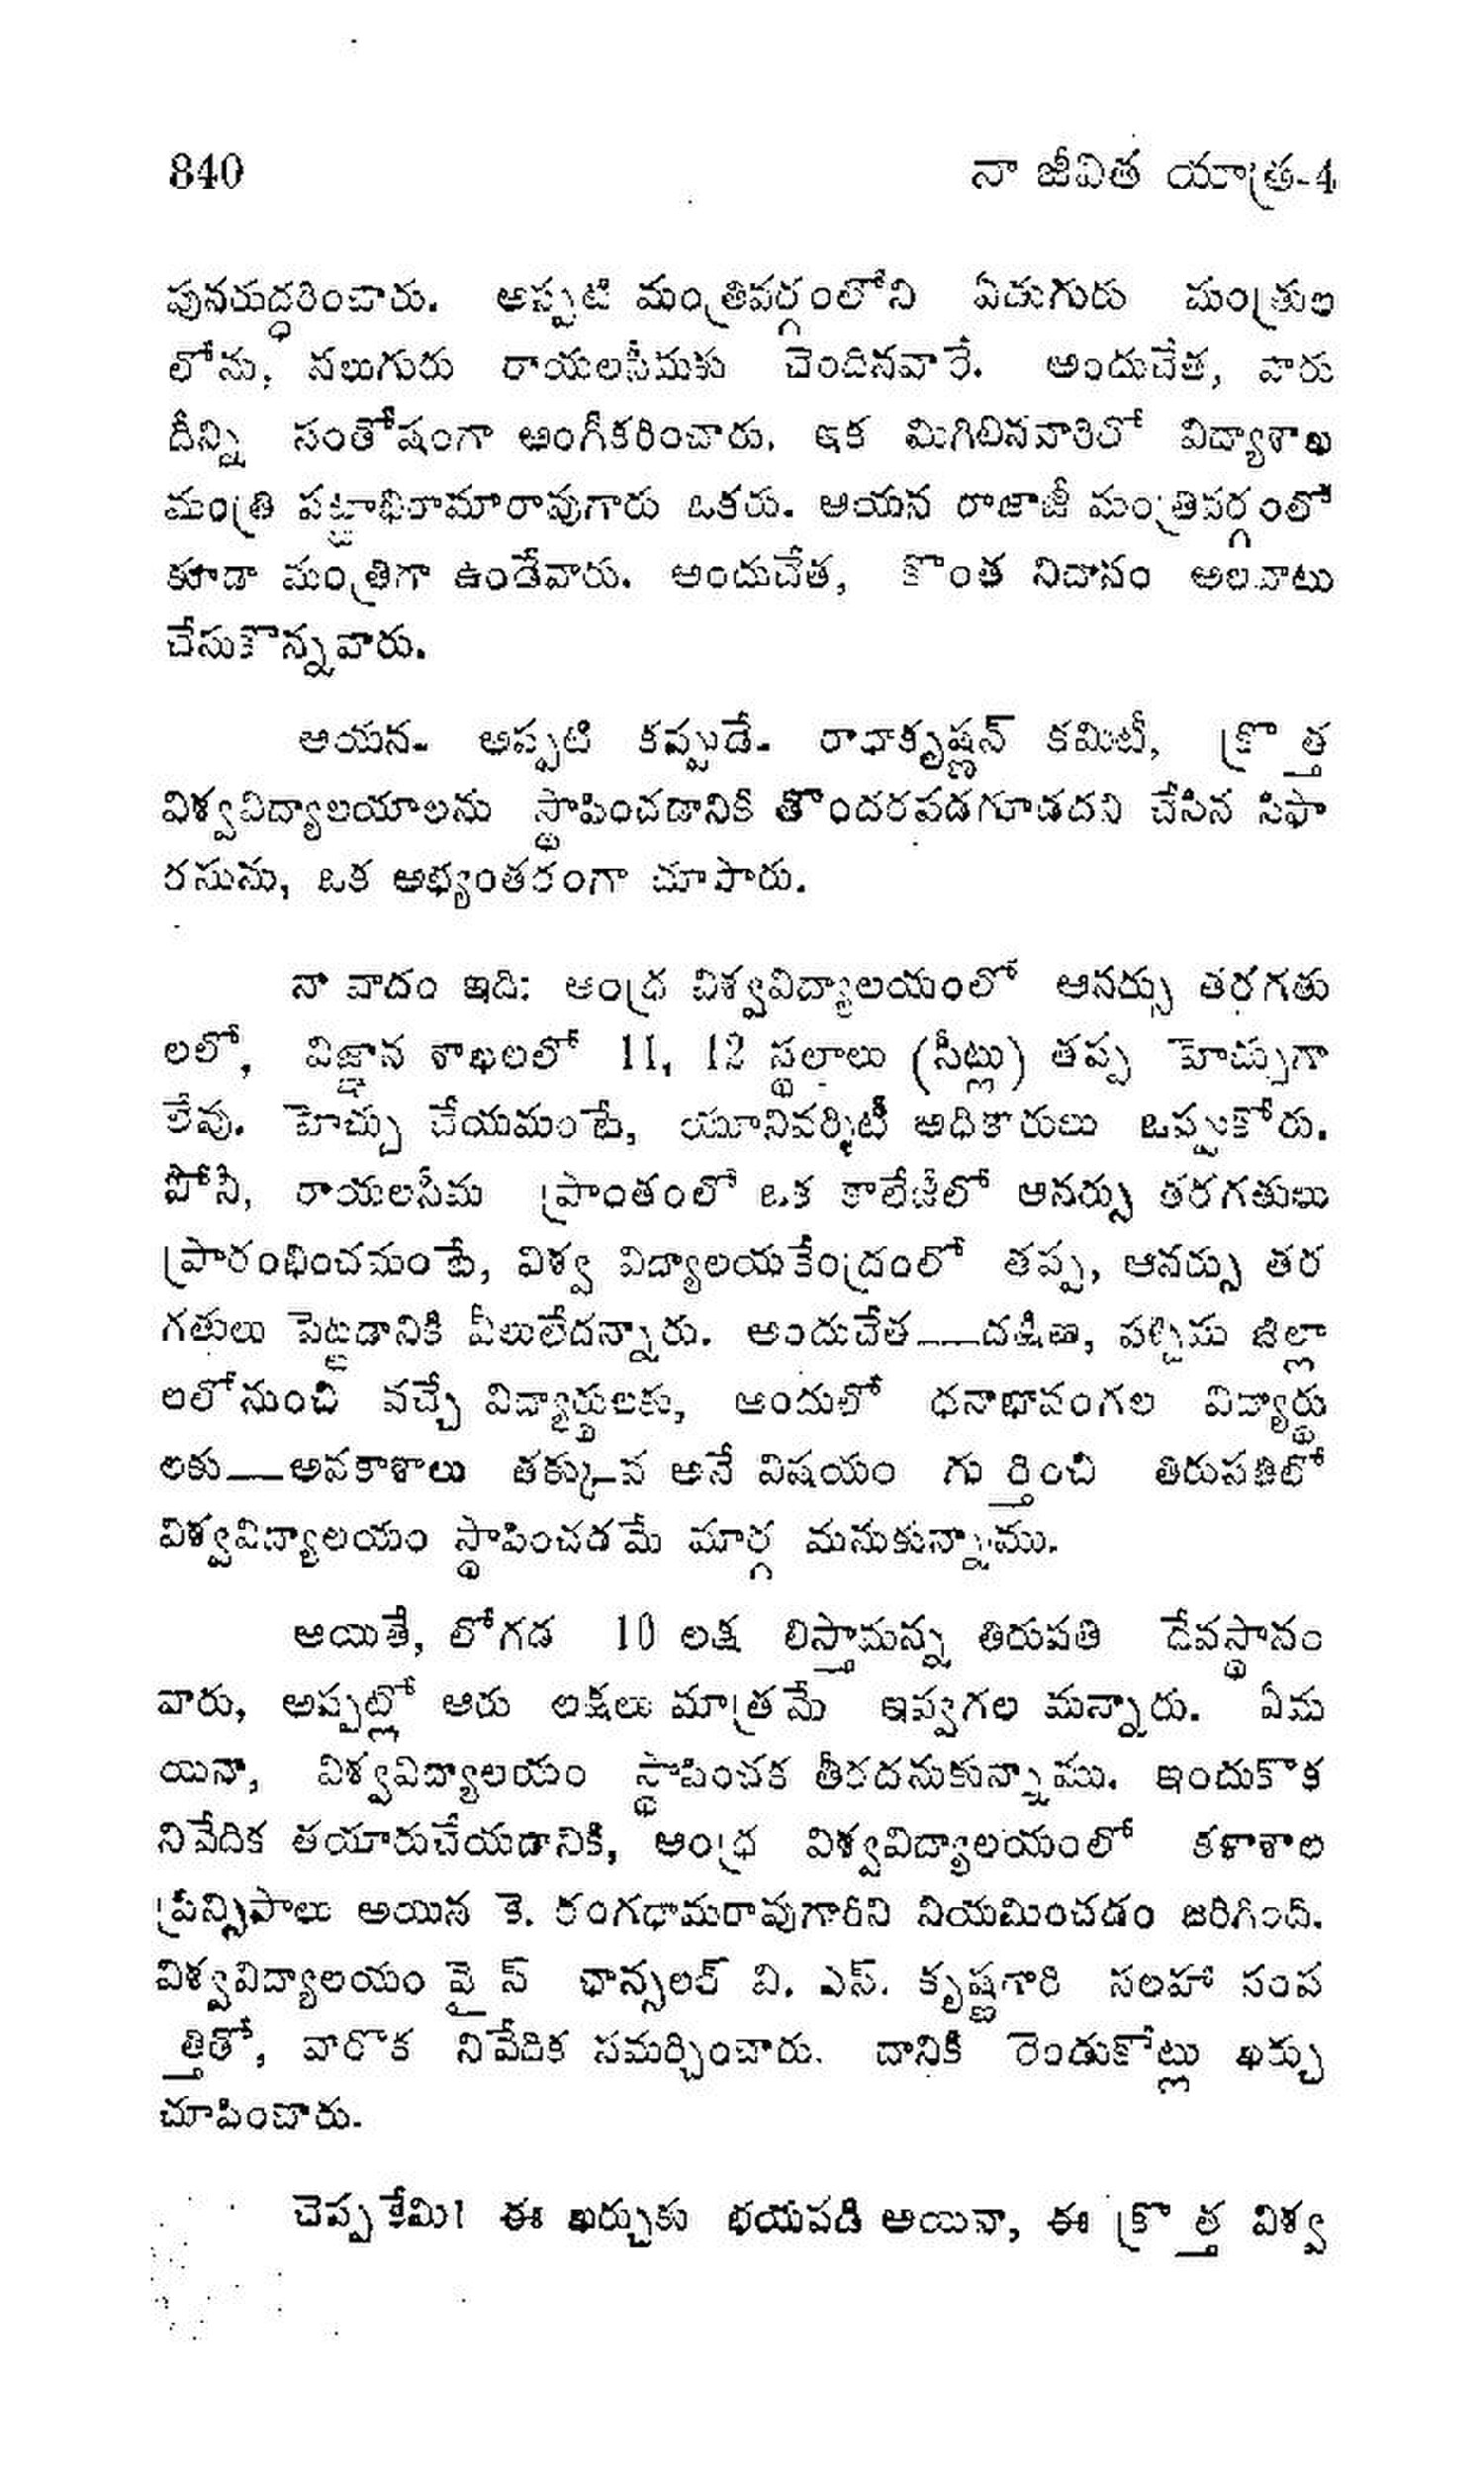పునరుద్ధరించారు. అప్పటి మంత్రివర్గంలోని ఏడుగురు మంత్రులలోను, నలుగురు రాయలసీమకు చెందినవారే. అందుచేత, వారు దీన్ని సంతోషంగా అంగీకరించారు. ఇక మిగిలినవారిలో విద్యాశాఖ మంత్రి పట్టాభిరామారావుగారు ఒకరు. ఆయన రాజాజీ మంత్రివర్గంలో కూడా మంత్రిగా ఉండేవారు. అందుచేత, కొంత నిదానం అలవాటు చేసుకొన్నవారు.

ఆయన - అప్పటి కప్పుడే - రాధాకృష్ణన్ కమిటీ, క్రొత్త విశ్వవిద్యాలయాలను స్థాపించడానికి తొందరపడగూడదని చేసిన సిఫారసును, ఒక అభ్యంతరంగా చూపూరు.

నా వాదం ఇది: ఆంధ్ర విశ్వవిద్యాలయంలో ఆనర్సు తరగతులలో, విజ్ఞాన శాఖలలో 11, 12 స్థలాలు (సీట్లు) తప్ప హెచ్చుగా లేవు. హెచ్చు చేయమంటే, యూనివర్శిటీ అధికారులు ఒప్పుకోరు. పోనీ, రాయలసీమ ప్రాంతంలో ఒక కాలేజీలో ఆనర్సు తరగతులు ప్రారంభించమంటే, విశ్వ విద్యాలయకేంద్రంలో తప్ప, ఆనర్సు తరగతులు పెట్టడానికి వీలులేదన్నారు. అందుచేత - దక్షిణ, పశ్చిమ జిల్లాలలోనుంచి వచ్చే విద్యార్థులకు, అందులో ధనాభావంగల విద్యార్థులకు - అవకాశాలు తక్కువ అనే విషయం గుర్తించి తిరుపతిలో విశ్వవిద్యాలయం స్థాపించడమే మార్గ మనుకున్నాము.

అయితే, లోగడ 10 లక్ష లిస్తామన్న తిరుపతి దేవస్థానం వారు, అప్పట్లో ఆరు లక్షలు మాత్రమే ఇవ్వగల మన్నారు. ఏమయినా, విశ్వవిద్యాలయం స్థాపించక తీరదనుకున్నాము. ఇందుకొక నివేదిక తయారుచేయడానికి, ఆంధ్ర విశ్వవిద్యాలయంలో కళాశాల ప్రిన్సిపాలు అయిన కె. రంగధామరావుగారిని నియమించడం జరిగింది. విశ్వవిద్యాలయం వైస్ చాన్సలర్ వి. ఎస్. కృష్ణగారి సలహా సంపత్తితో, వారొక నివేదిక సమర్పించారు. దానికి రెండుకోట్లు ఖర్చు చూపించారు.

చెప్పకేమి! ఈ ఖర్చుకు భయపడి అయినా, ఈ క్తొత్త విశ్వ